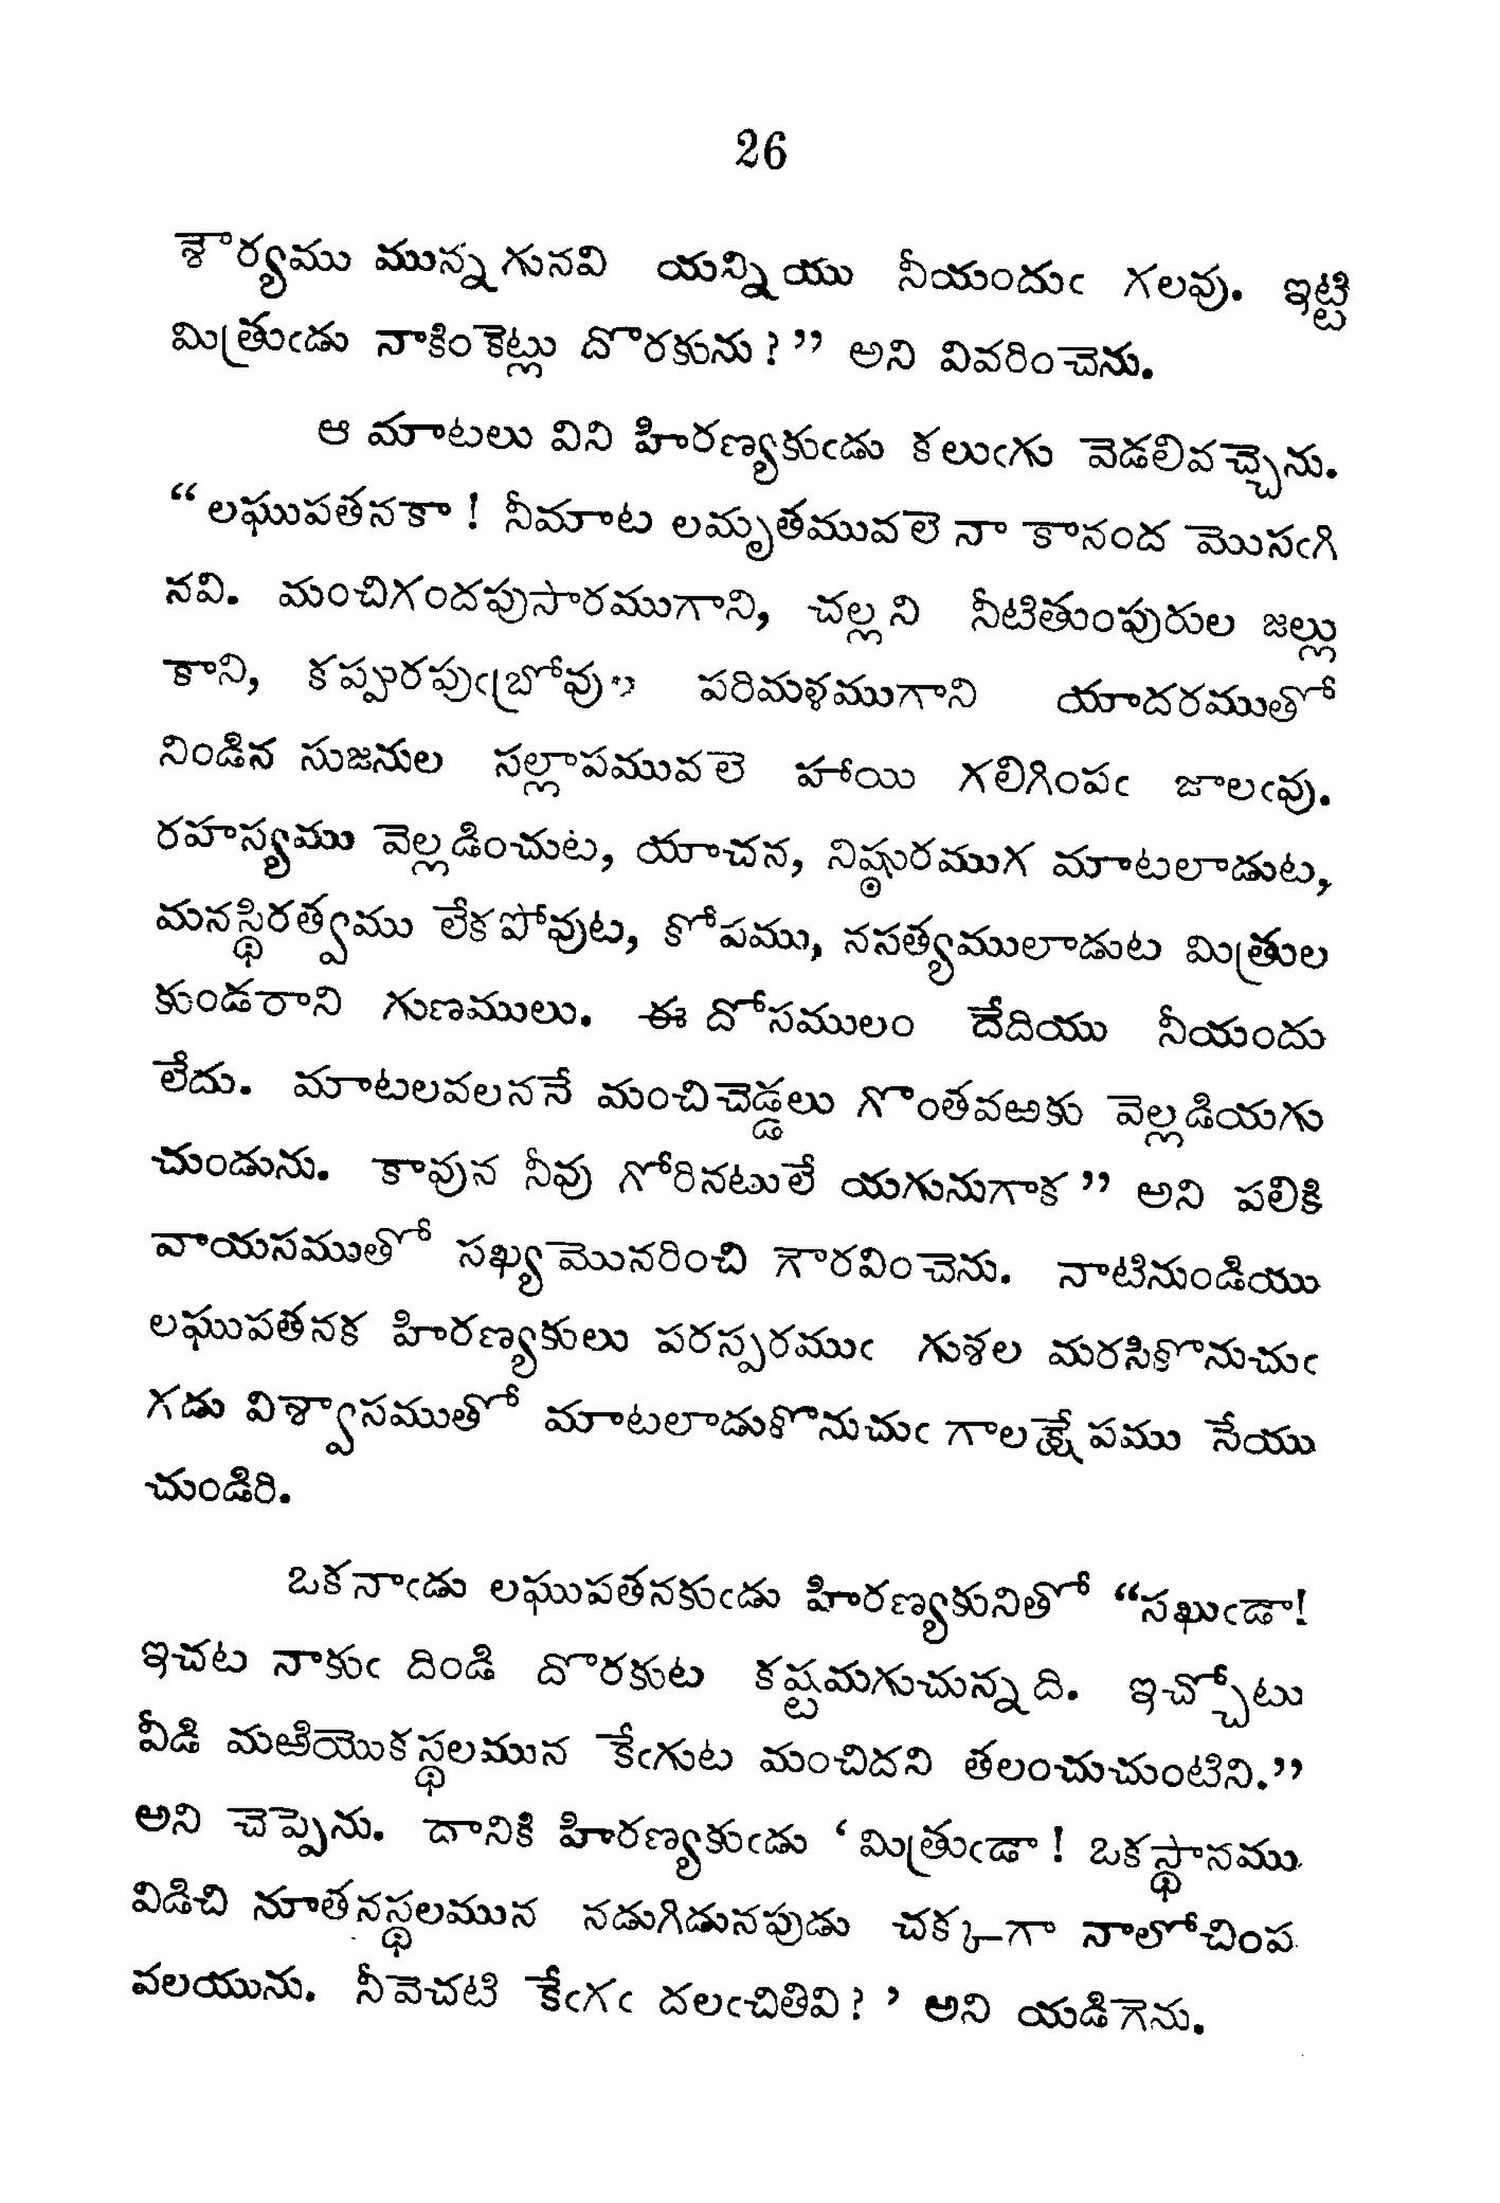శౌర్యము మున్నగునవి యన్నియు నీయందు గలవు. ఇట్టి మిత్రుడు నాకింకెట్లు దొరకును?" అని వివరించెను.

ఆ మాటలు విని హిరణ్యకుడు కలుగు వెడలివచ్చెను. "లఘుపతనకా! నీమాట లమృతమువలె నా కానంద మొసగినవి. మంచిగందపుసారముగాని, చల్లని నీటితుంపరుల జల్లుకాని, కప్పురపుబ్రోవుల పరిమళముగాని యాదరముతో నిండిన సుజనుల సల్లాపమువలె హాయి గలిగింప జాలవు. రహస్యము వెల్లడించుట, యాచన, నిష్టురముగ మాటలాడుట, మనస్థిరత్వము లేకపోవుట, కోపము, నసత్యములాడుట మిత్రుల కుండరాని గుణములు. ఈ దోసములం దేదియు నీయందు లేదు. మాటలవలననే మంచిచెడ్డలు గొంతవఱకు వెల్లడియగు చుండును. కావున నీవు గోరినటులే యగునుగాక" అని పలికి వాయసముతో సఖ్యమొనరించి గౌరవించెను. నాటినుండియు లఘుపతనక హిరణ్యకులు పరస్పరము గుశల మరసికొనుచు గడు విశ్వాసముతో మాటలాడుకొనుచు గాలక్షేపము సేయు చుండిరి.

ఒకనాడు లఘుపతనకుడు హిరణ్యకునితో "సఖుడా! ఇచట నాకు దిండి దొరకుట కష్టమగుచున్నది. ఇచ్చోటు వీడి మఱియొకస్థలమున కేగుట మంచిదని తలంచుచుంటిని." అని చెప్పెను. దానికి హిరణ్యకుడు "మిత్రుడా! ఒకస్థానము విడిచి నూతనస్థలమున నడుగిడునపుడు చక్కగా నాలోచింపవలయును. నీవెచటి కేగ దలచితివి?" అని అడిగెను.